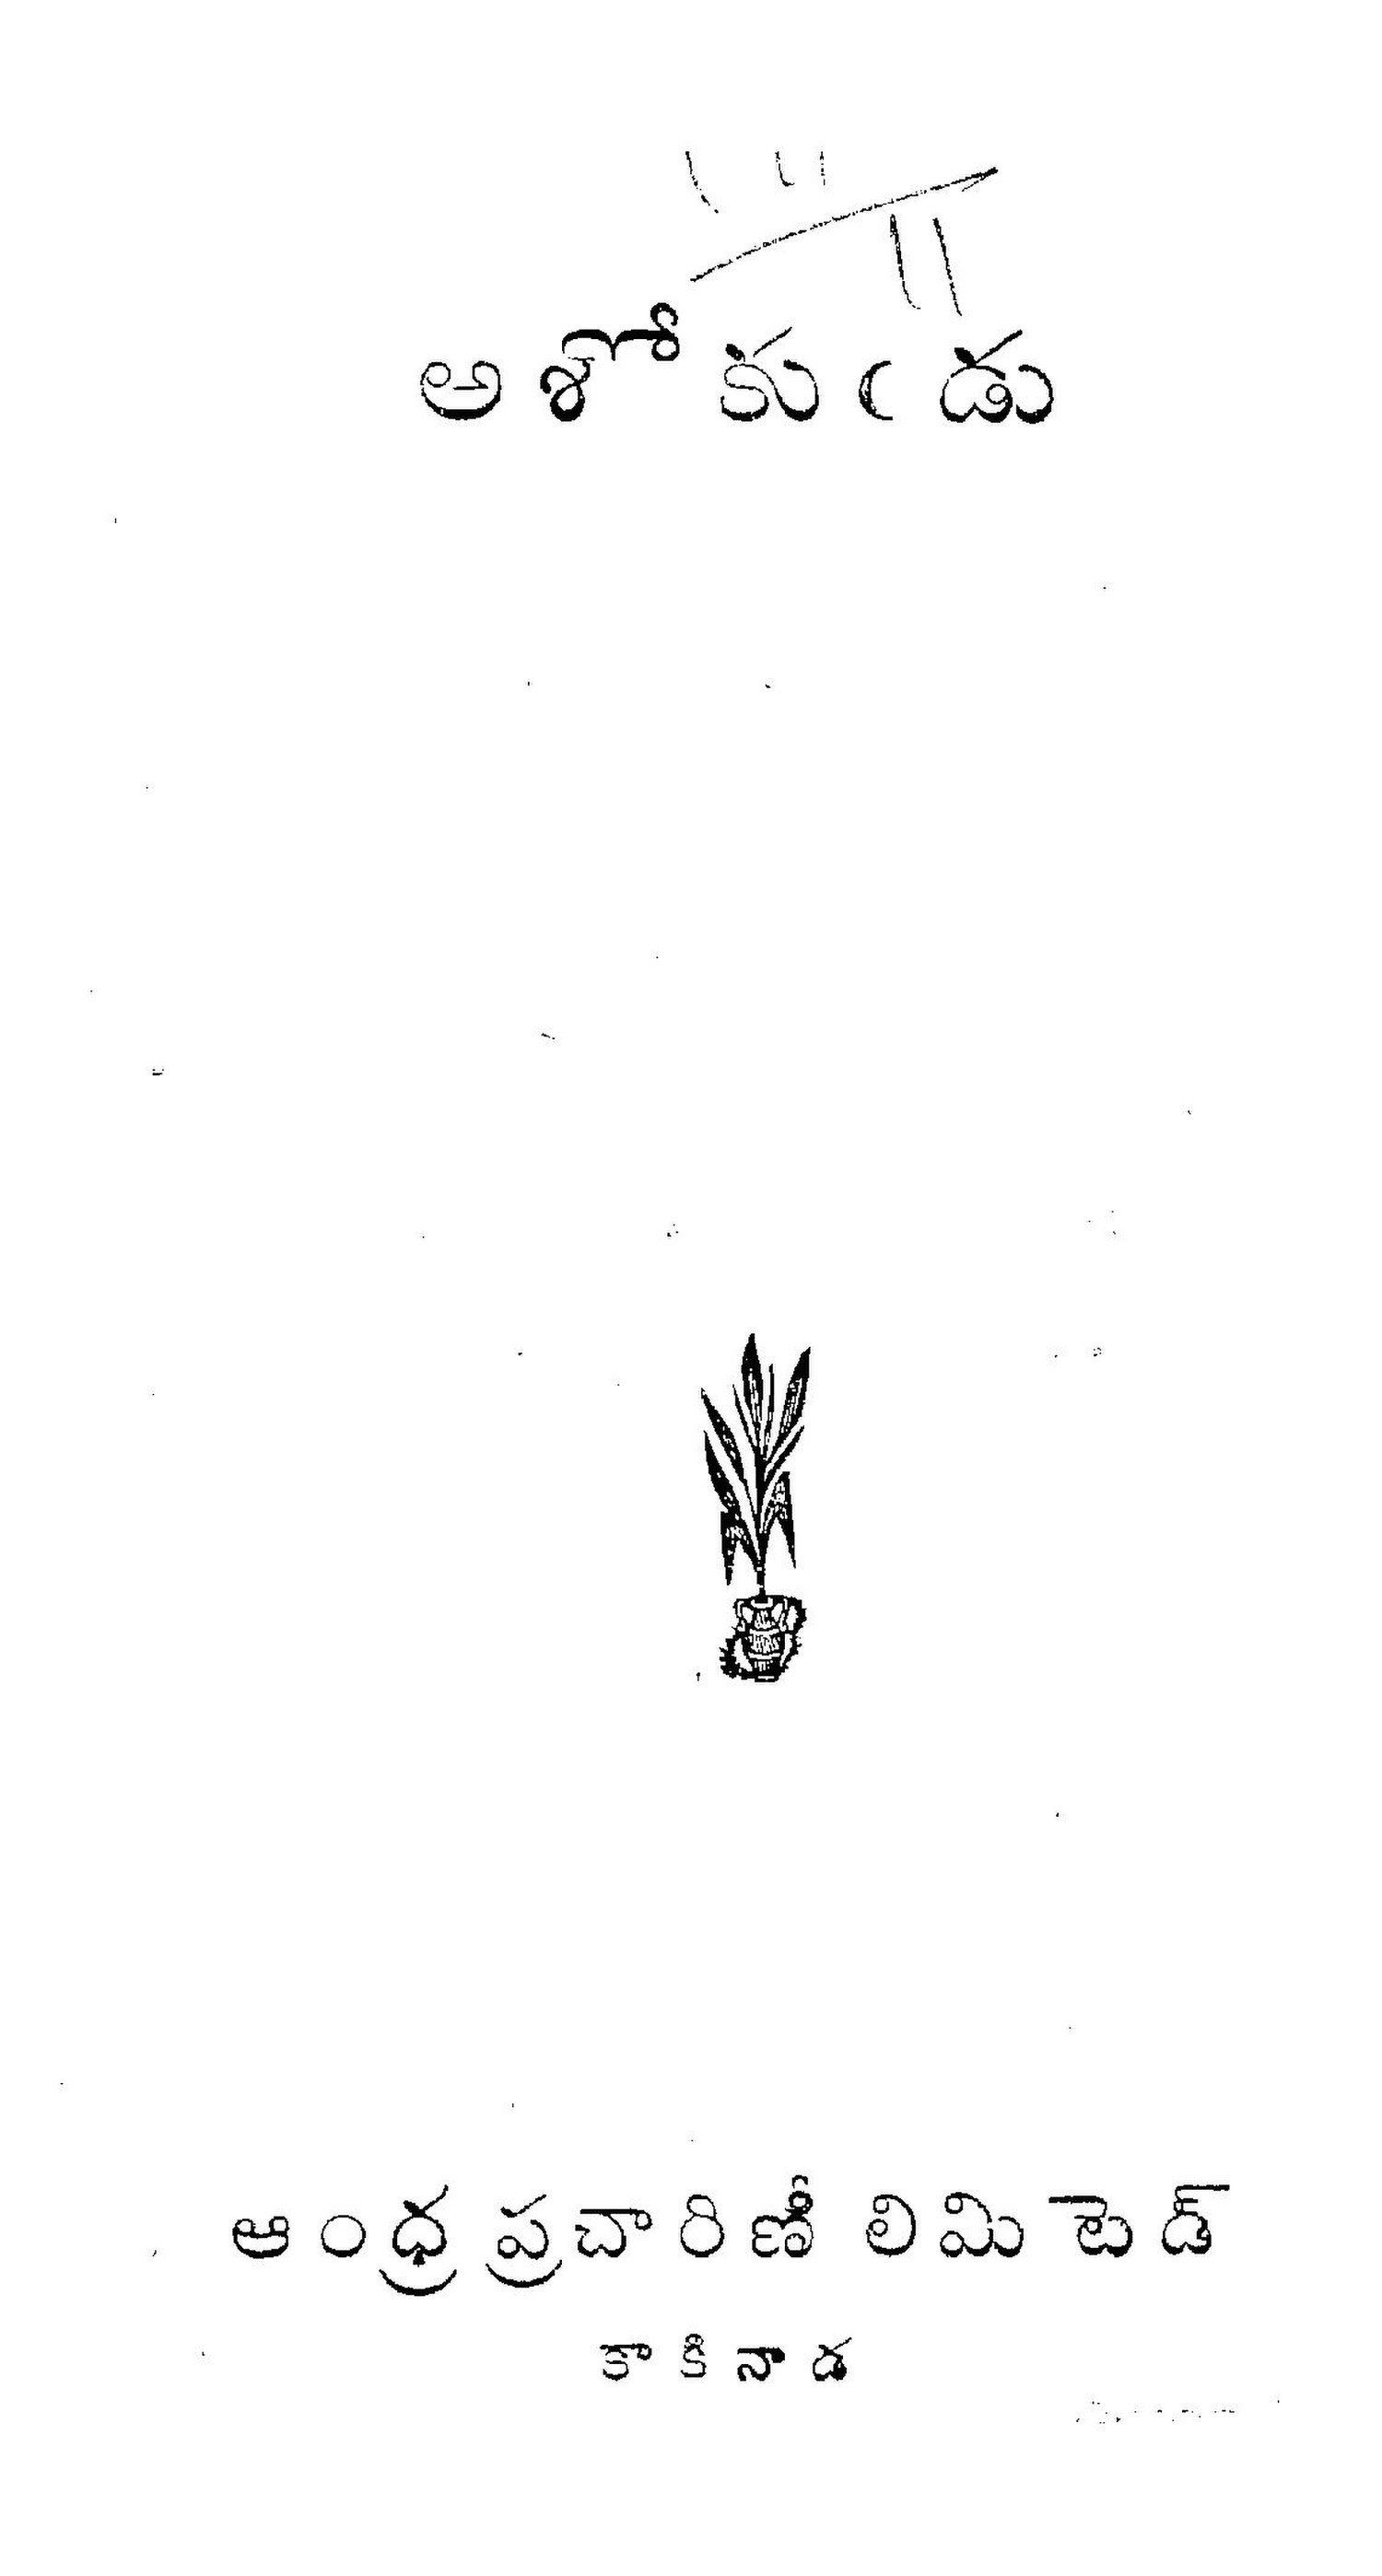అశోకుఁడు

ఆంధ్ర ప్రచారిణీ లిమిటెడ్
కాకినాడ